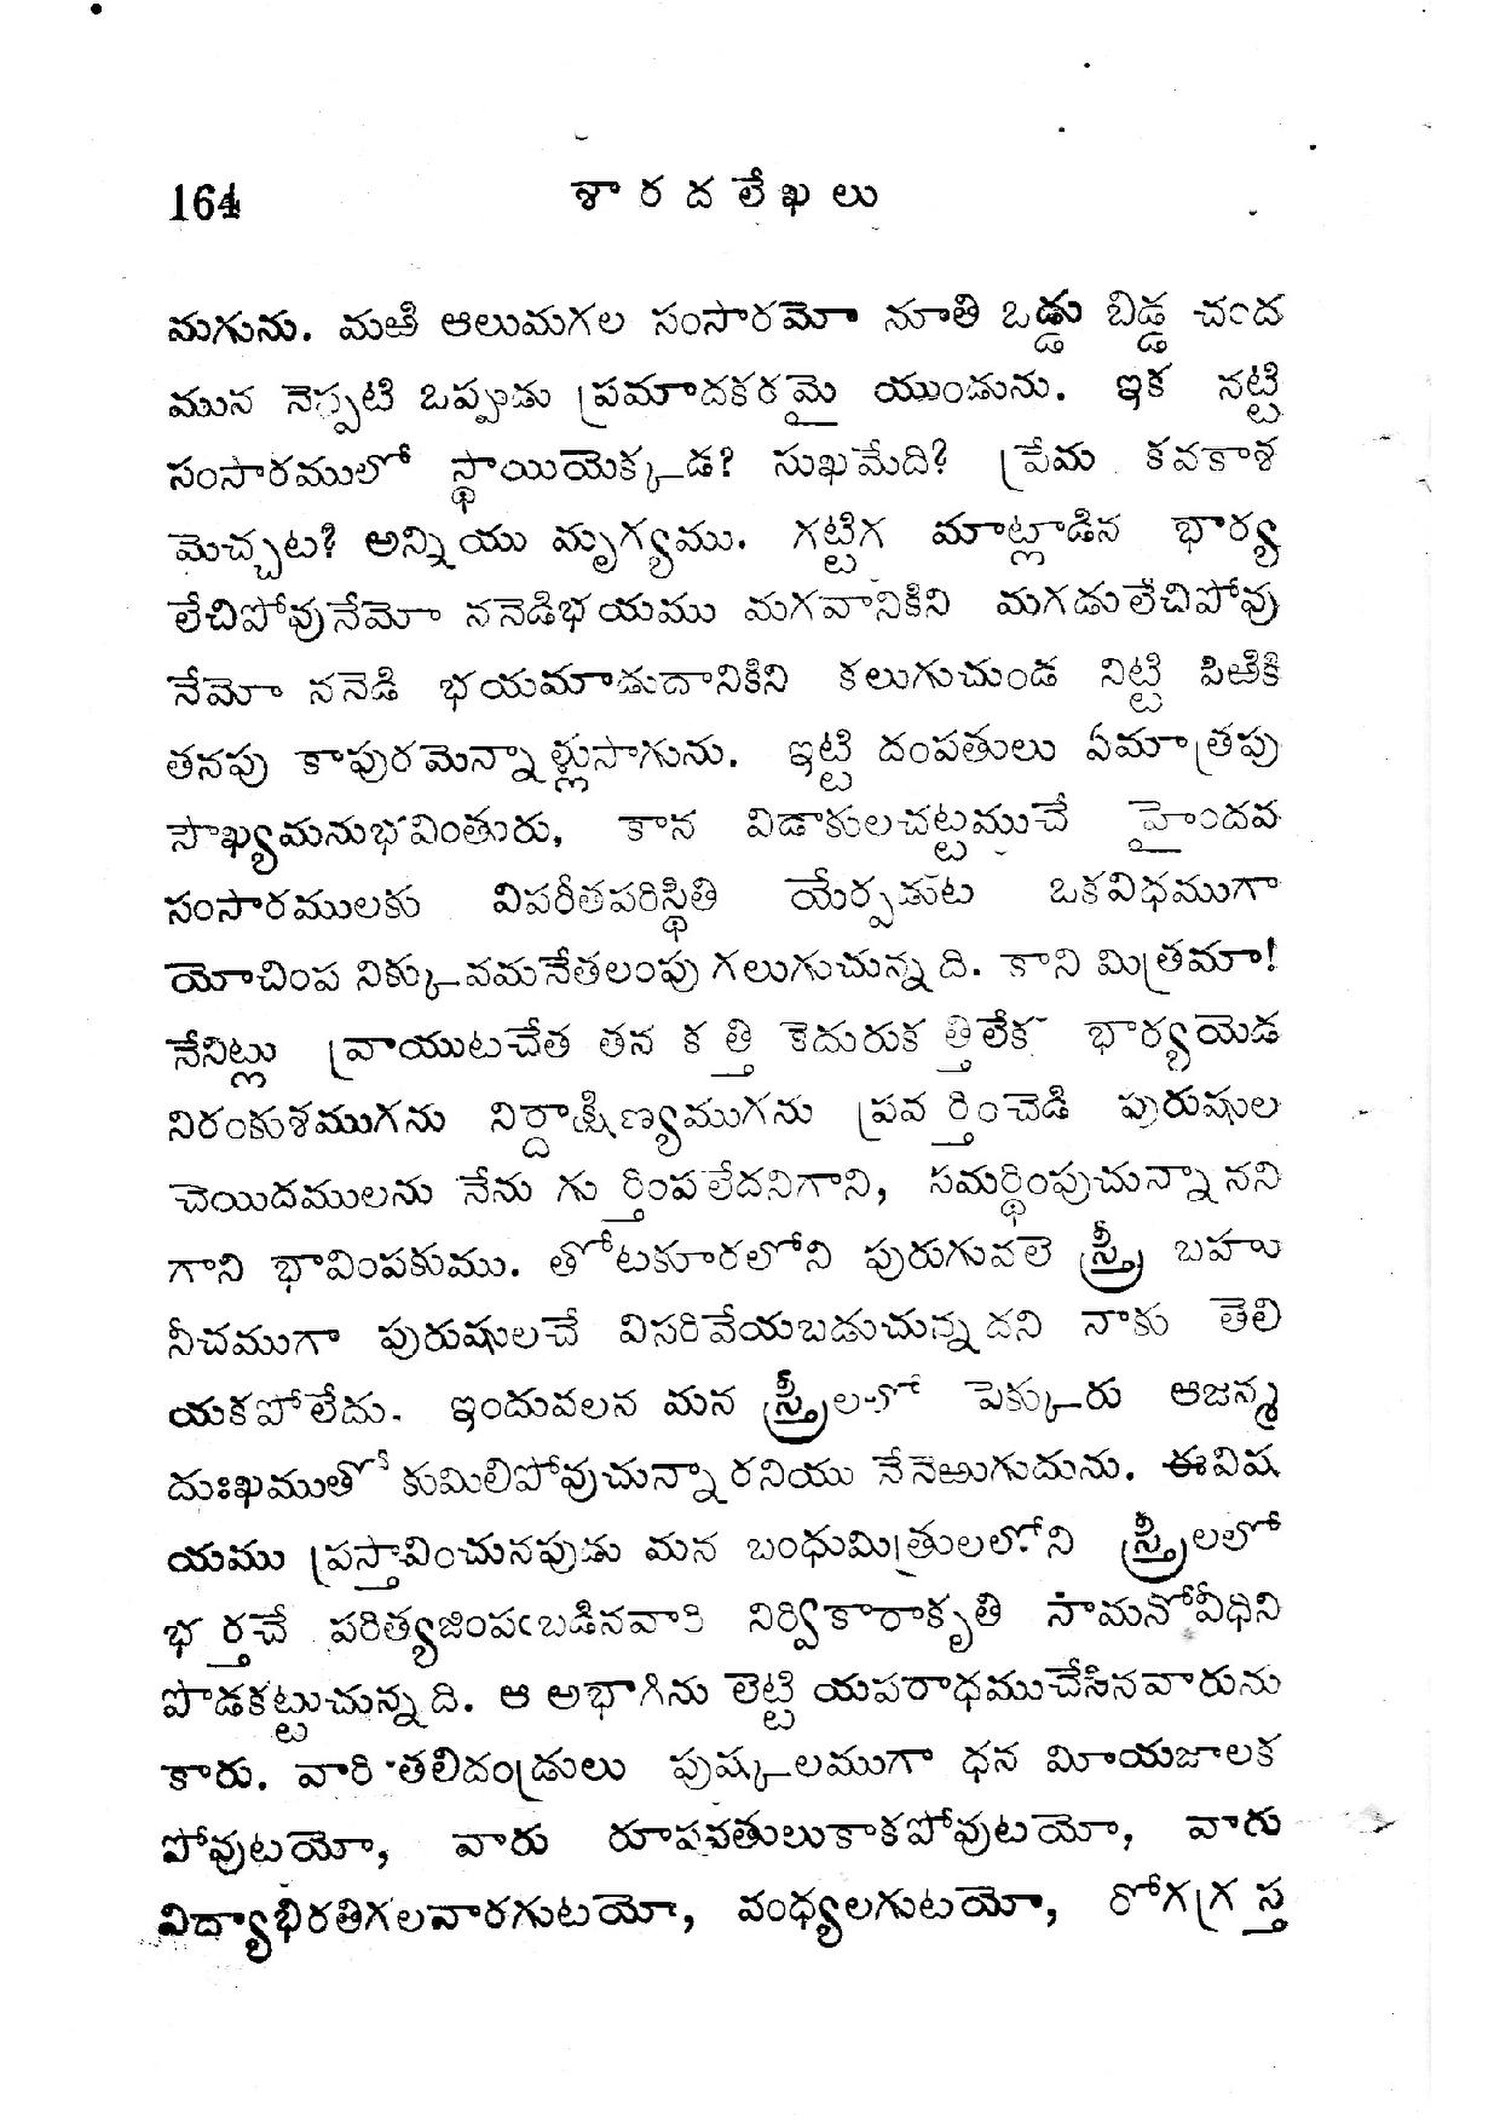మగును. మఱి ఆలుమగల సంసారమో నూతి ఒడ్డు బిడ్డ చందమున నెప్పటి ఒప్పుడు ప్రమాదకరమై యుండును. ఇక నట్టి సంసారములో స్థాయియెక్కడ? సుఖమేది? ప్రేమ కవకాశమెచ్చట? అన్నియు మృగ్యము. గట్టిగ మాట్లాడిన భార్య లేచిపోవునేమో ననెడిభయము మగవానికిని మగడులేచిపోవునేమో ననెడి భయమాడుదానికిని కలుగుచుండ నిట్టి పిఱికితనపు కాపురమెన్నాళ్లుసాగును. ఇట్టి దంపతులు ఏమాత్రపు సౌఖ్యమనుభవింతురు. కాన విడాకులచట్టముచే హైందవ సంసారములకు విపరీతపరిస్థితి యేర్పడుట ఒకవిధముగా యోచింప నిక్కువమనేతలంపు గలుగుచున్నది. కాని మిత్రమా! నేనిట్లు వ్రాయుటచేత తన కత్తి కెదురుకత్తిలేక భార్యయెడ నిరంకుశముగను నిర్దాక్షిణ్యముగను ప్రవర్తించెడి పురుషుల
చెయిదములను నేను గుర్తింపలేదనిగాని, సమర్థింపుచున్నానని గాని భావింపకుము. తోటకూరలోని పురుగువలె స్త్రీ బహు నీచముగా పురుషులచే విసరివేయబడుచున్నదని నాకు తెలియకపోలేదు. ఇందువలన మన స్త్రీలలో పెక్కురు ఆజన్మదుఃఖముతో కుమిలిపోవుచున్నారనియు నేనెఱుగుదును. ఈ విషయము ప్రస్తావించునపుడు మన బంధుమిత్రులలోని స్త్రీలలో భర్తచే పరిత్యజింపఁబడినవారి నిర్వికారాకృతి నామనోవీధిని పొడకట్టుచున్నది. ఆ అభాగిను లెట్టి యపరాధముచేసినవారును కారు. వారి తలిదండ్రులు పుష్కలముగా ధన మీయజాలక పోవుటయో, వారు రూపవతులుకాకపోవుటయో, వారు
విద్యాభిరతిగలవారగుటయో, వంధ్యలగుటయో, రోగగ్రస్త